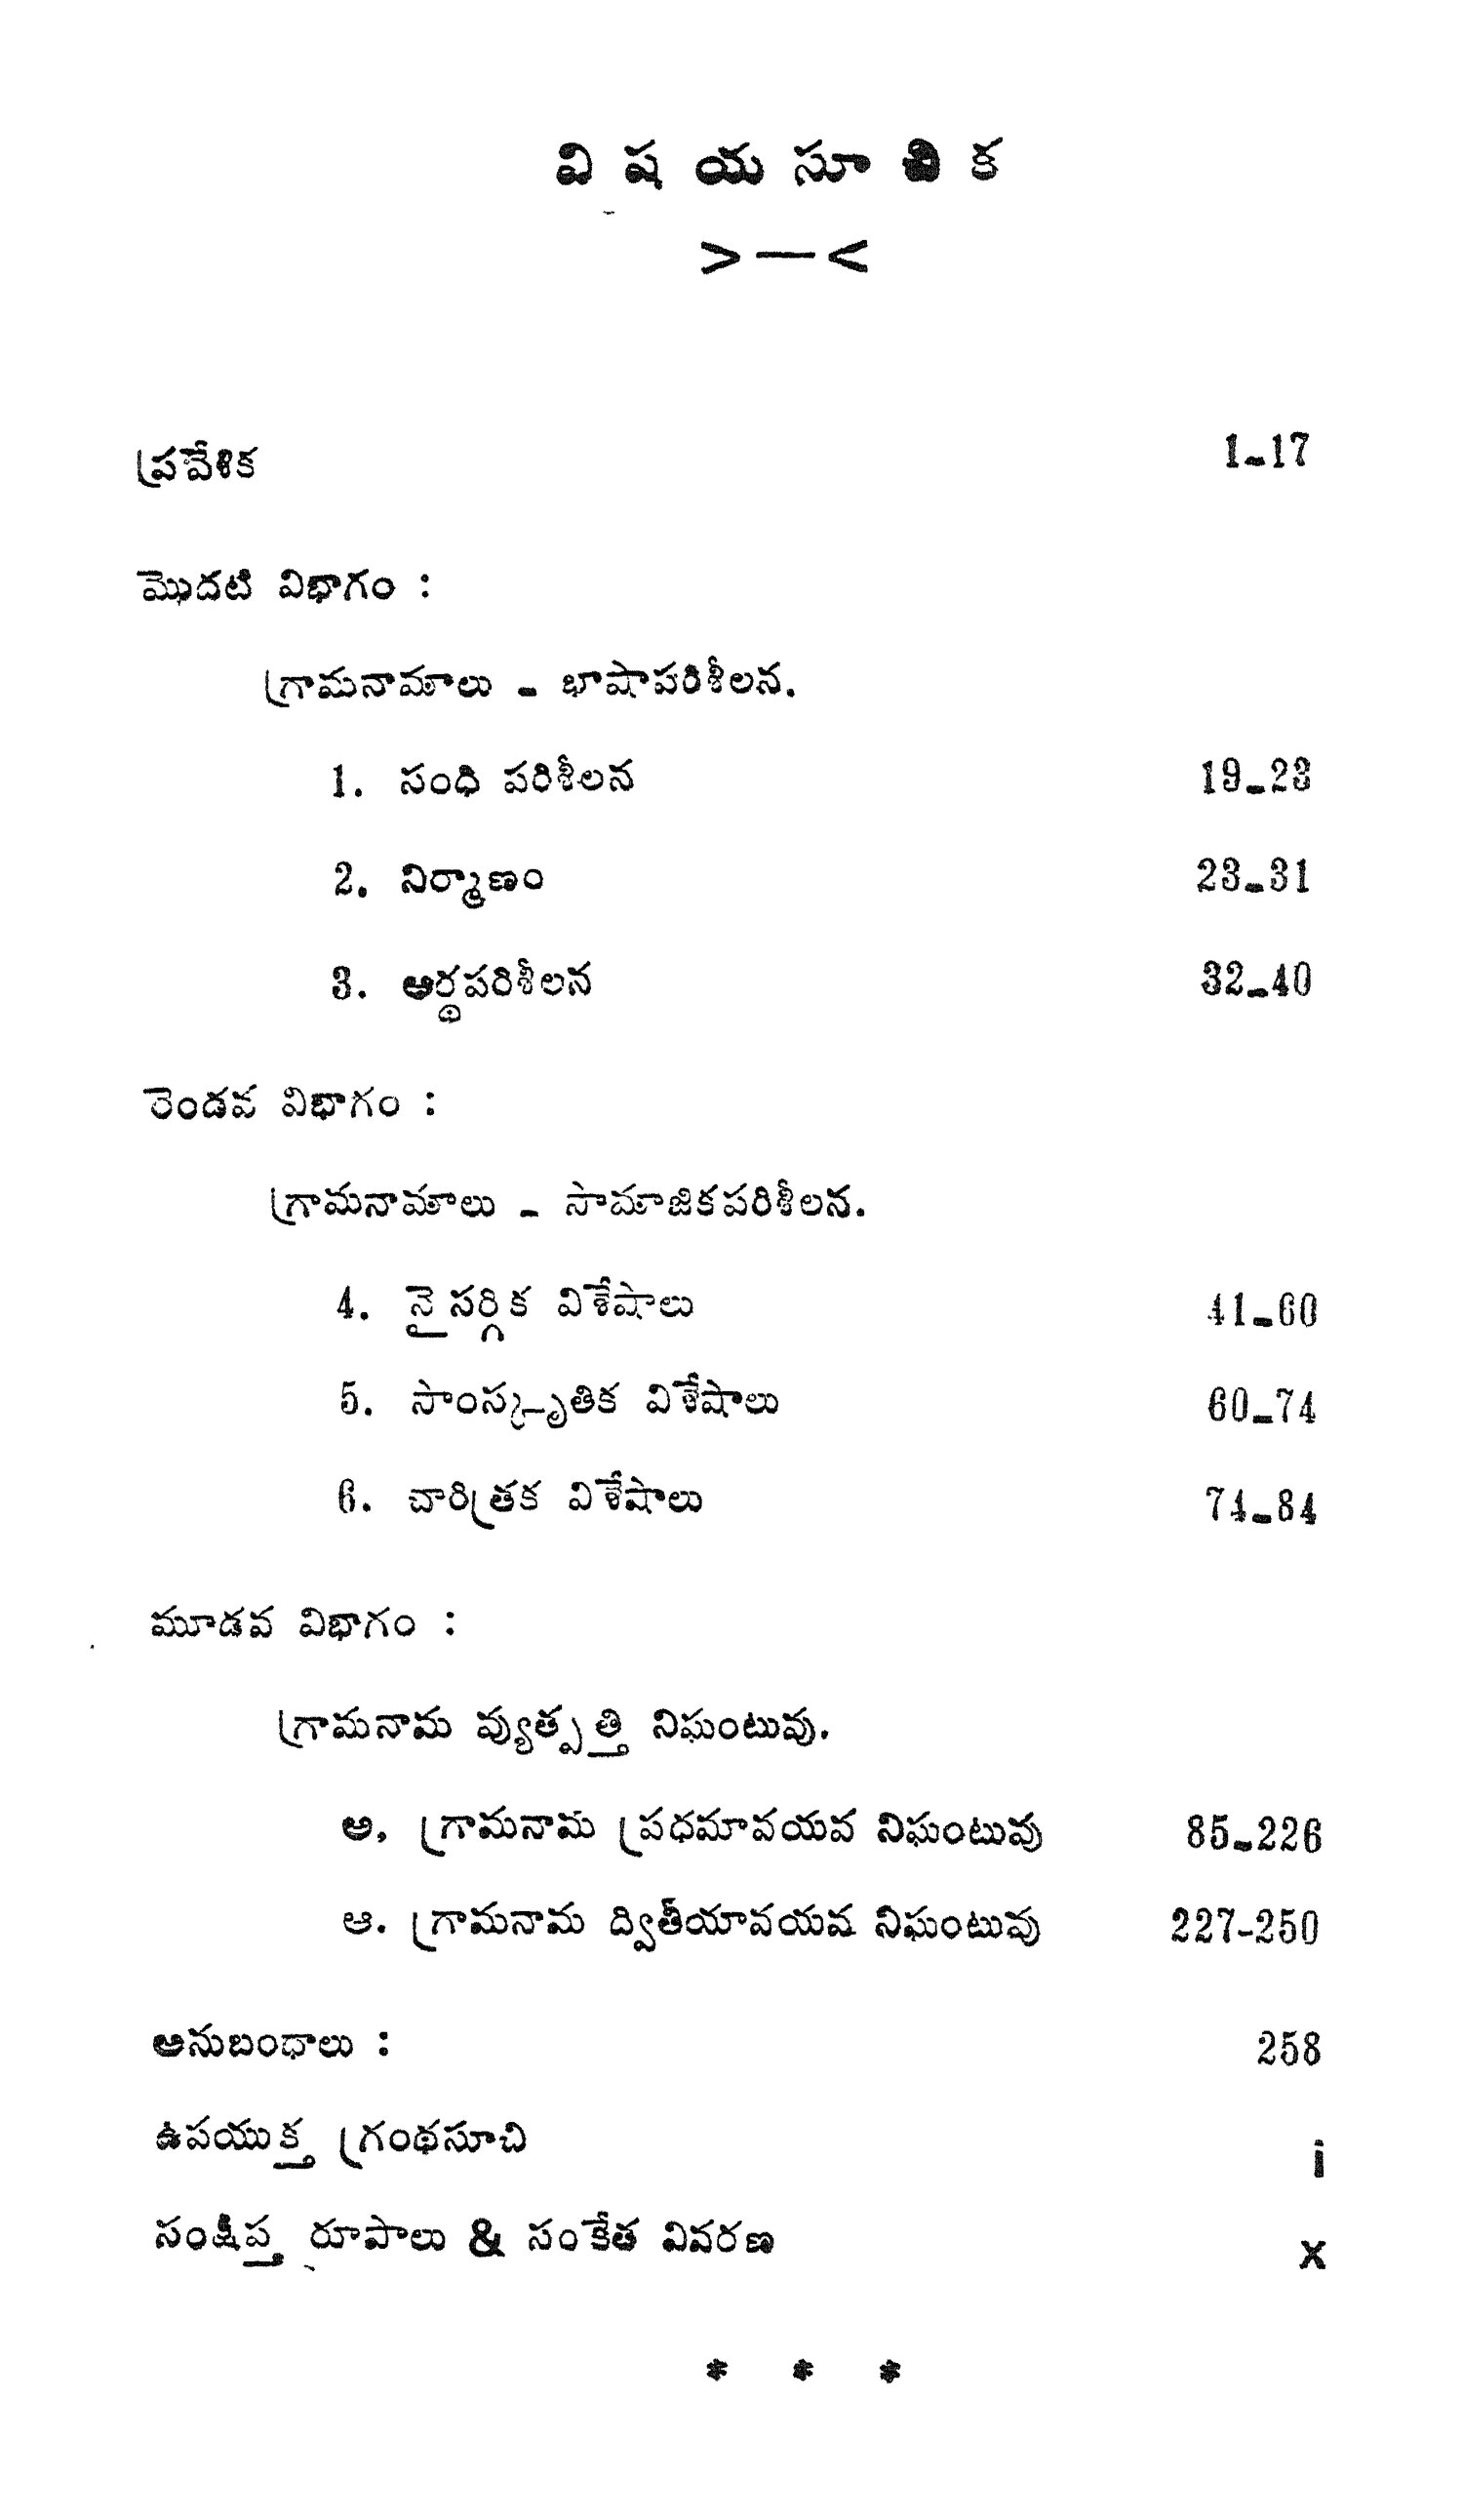విషయసూచిక

ప్రవేశిక

మొదటి విభాగం :

గ్రామనామాలు - భాషాపరిశీలన.

1. సంధి పరిశీలన

2. నిర్మాణం

3. అర్థపరిశీలన

రెండవ విభాగం :

గ్రామనామాలు - సామాజికపరిశీలన.

4. నైసర్గిక విశేషాలు

5. సాంస్కృతిక విశేషాలు

6. చారిత్రక విశేషాలు

మూడవ విభాగం :

గ్రామనామ వ్యుత్పత్తి నిఘంటువు.

అ. గ్రామనామ ప్రధమావయవ నిఘంటువు

ఆ. గ్రామనామ ద్వితీయావయవ నిఘంటువు

అనుబంధాలు :

ఉపయుక్త గ్రంథసూచి

సంక్షిప్త రూపాలు & సంకేత వివరణ